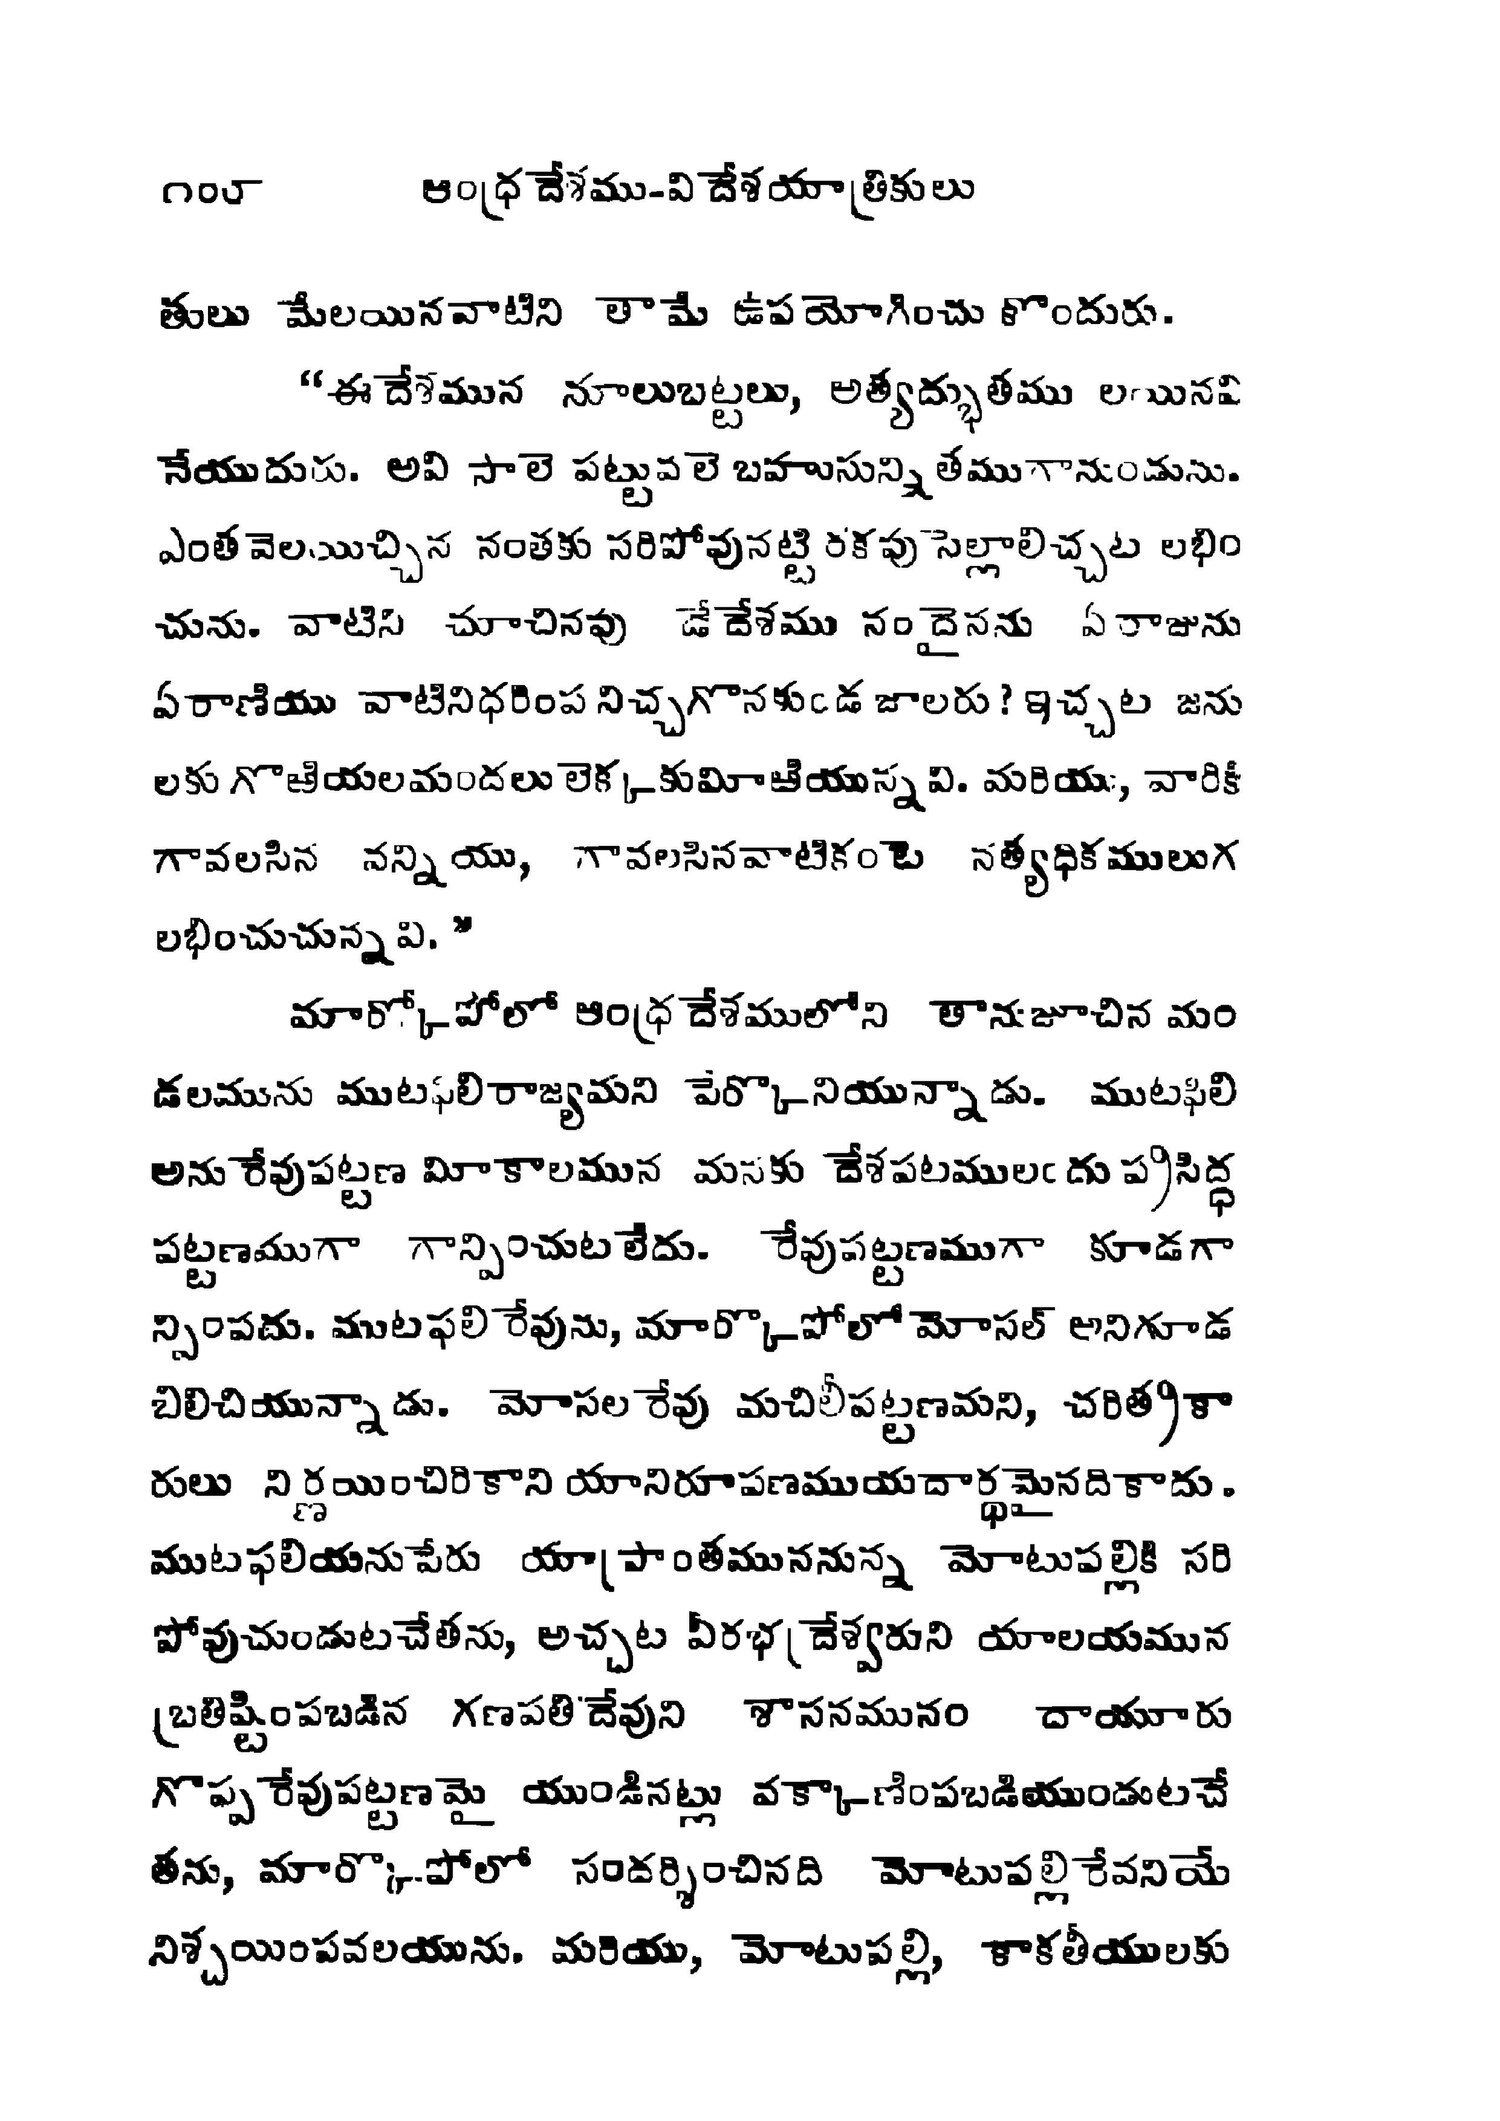తులు మేలయినవాటిని తామే ఉపయోగించు కొందురు.

"ఈదేశమున నూలుబట్టలు, అత్యుద్భుతము లయినవి నేయుదురు. అవి సాలె పట్టువలె బహుసున్నితముగా నుండును. ఎంత వెలయిచ్చిన నంతకు సరిపోవునట్టి రకపు సెల్లాలిచ్చట లభించును. వాటిని చూచినపు డేదేశము నందైనను ఏరాజును ఏరాణియు వాటినిధరింప నిచ్చగొనకుండ జాలరు? ఇచ్చట జనులకు గొఱియలమందలు లెక్కకు మీఱియున్నవి. మరియు, వారికి గావలసిన వన్నియు, గావలసిన వానికంటె నత్యధికములుగ లభించుచున్నవి.*

మార్కోపోలో ఆంధ్రదేశములోని తానుజూచిన మండలమును ముటఫిలి రాజ్యమని పేర్కొనియున్నాడు. ముటఫిలి అనురేవుపట్టణ మీకాలమున మనకు దేశపటములందు ప్రసిద్ధ పట్టణముగా గాన్పించుటలేదు. రేవుపట్టణముగా కూడగాన్పింపదు. ముటఫలిరేవును, మార్కొపోలోమోసల్ అనిగూడ బిలిచియున్నాడు. మోసల రేవు మచిలీపట్టణమని, చరిత్రకారులు నిర్ణయించిరికాని యానిరూపణము యదార్థమైనదికాదు. ముటఫిలియనుపేరు యాప్రాంతముననున్న మోటుపల్లికి సరిపోవుచుండుట చేతను, అచ్చట వీరభద్రేశ్వరుని యాలయమున బ్రతిష్టింపబడిన గణపతిదేవుని శాసనమునం దాయూరు గొప్పరేవు పట్టణమై యుండినట్లు వక్కాణింపబడియుండుట చేతను, మార్కొపోలో సందర్శించినది మోటుపల్లి రేవనియే నిశ్చయింప వలయును. మరియు, మోటుపల్లి, కాకతీయులకు